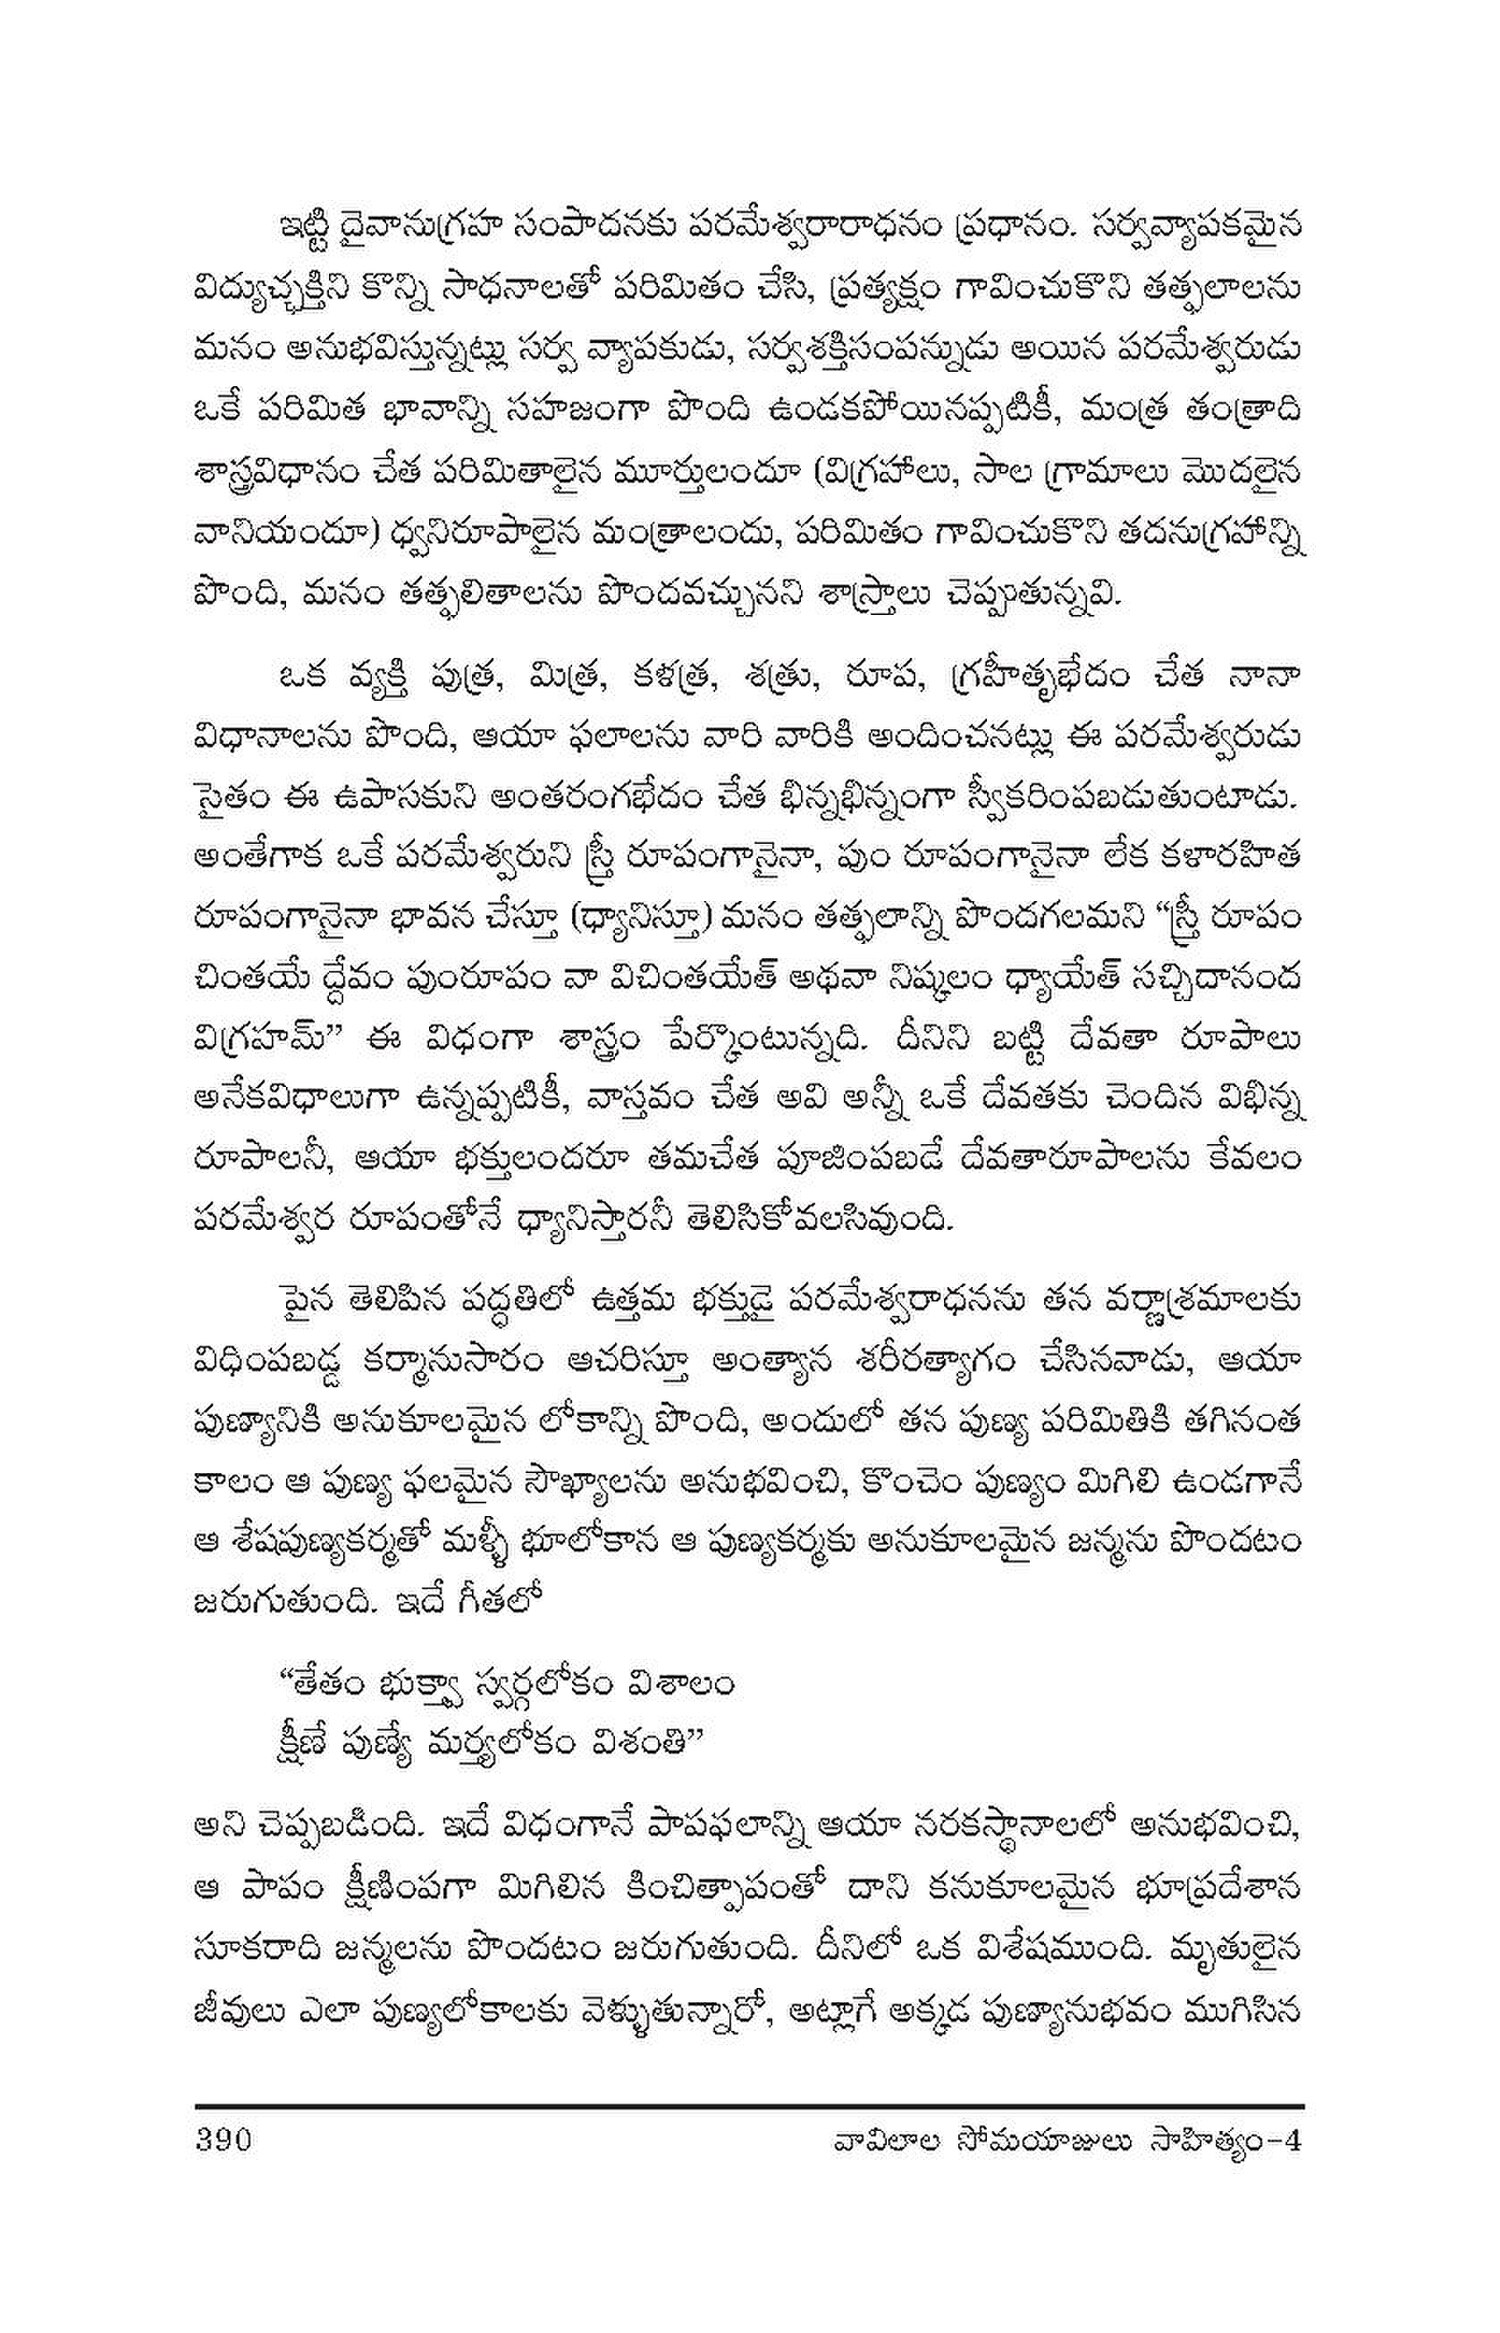ఇట్టి దైవానుగ్రహ సంపాదనకు పరమేశ్వరారాధనం ప్రధానం. సర్వవ్యాపకమైన
విద్యుచ్ఛక్తిని కొన్ని సాధనాలతో పరిమితం చేసి, ప్రత్యక్షం గావించుకొని తత్ఫలాలను
మనం అనుభవిస్తున్నట్లు సర్వ వ్యాపకుడు, సర్వశక్తిసంపన్నుడు అయిన పరమేశ్వరుడు
ఒకే పరిమిత భావాన్ని సహజంగా పొంది ఉండకపోయినప్పటికీ, మంత్ర తంత్రాది
శాస్త్రవిధానం చేత పరిమితాలైన మూర్తులందూ (విగ్రహాలు, సాల గ్రామాలు మొదలైన
వానియందూ) ధ్వనిరూపాలైన మంత్రాలందు, పరిమితం గావించుకొని తదనుగ్రహాన్ని
పొంది, మనం తత్ఫలితాలను పొందవచ్చునని శాస్త్రాలు చెప్పుతున్నవి.

ఒక వ్యక్తి పుత్ర, మిత్ర, కళత్ర, శత్రు, రూప, గ్రహీతృభేదం చేత నానా
విధానాలను పొంది, ఆయా ఫలాలను వారి వారికి అందించనట్లు ఈ పరమేశ్వరుడు
సైతం ఈ ఉపాసకుని అంతరంగభేదం చేత భిన్నభిన్నంగా స్వీకరింపబడుతుంటాడు.
అంతేగాక ఒకే పరమేశ్వరుని స్త్రీ రూపంగానైనా, పుం రూపంగానైనా లేక కళారహిత
రూపంగానైనా భావన చేస్తూ (ధ్యానిస్తూ) మనం తత్ఫలాన్ని పొందగలమని "స్త్రీ రూపం
చింతయే ద్దేవం పుంరూపం నా విచింతయేత్ అథవా నిష్కలం ధ్యాయేత్ సచ్చిదానంద
విగ్రహమ్" ఈ విధంగా శాస్త్రం పేర్కొంటున్నది. దీనిని బట్టి దేవతా రూపాలు
అనేకవిధాలుగా ఉన్నప్పటికీ, వాస్తవం చేత అవి అన్నీ ఒకే దేవతకు చెందిన విభిన్న
రూపాలనీ, ఆయా భక్తులందరూ తమచేత పూజింపబడే దేవతారూపాలను కేవలం
పరమేశ్వర రూపంతోనే ధ్యానిస్తారనీ తెలిసికోవలసివుంది.

పైన తెలిపిన పద్దతిలో ఉత్తమ భక్తుడై పరమేశ్వరాధనను తన వర్ణాశ్రమాలకు
విధింపబడ్డ కర్మానుసారం ఆచరిస్తూ అంత్యాన శరీరత్యాగం చేసినవాడు, ఆయా
పుణ్యానికి అనుకూలమైన లోకాన్ని పొంది, అందులో తన పుణ్య పరిమితికి తగినంత
కాలం ఆ పుణ్య ఫలమైన సౌఖ్యాలను అనుభవించి, కొంచెం పుణ్యం మిగిలి ఉండగానే
శేషపుణ్యకర్మతో మళ్ళీ భూలోకాన ఆ పుణ్యకర్మకు అనుకూలమైన జన్మను పొందటం
జరుగుతుంది. ఇదే గీతలో

"తేతం భుక్త్వా స్వర్గలోకం విశాలం
క్షీణే పుణ్యే మర్త్యలోకం విశంతి"

అని చెప్పబడింది. ఇదే విధంగానే పాపఫలాన్ని ఆయా నరకస్థానాలలో అనుభవించి,
ఆ పాపం క్షీణింపగా మిగిలిన కించిత్పాపంతో దాని కనుకూలమైన భూప్రదేశాన
సూకరాది జన్మలను పొందటం జరుగుతుంది. దీనిలో ఒక విశేషముంది. మృతులైన
జీవులు ఎలా పుణ్యలోకాలకు వెళ్ళుతున్నారో, అట్లాగే అక్కడ పుణ్యానుభవం ముగిసిన